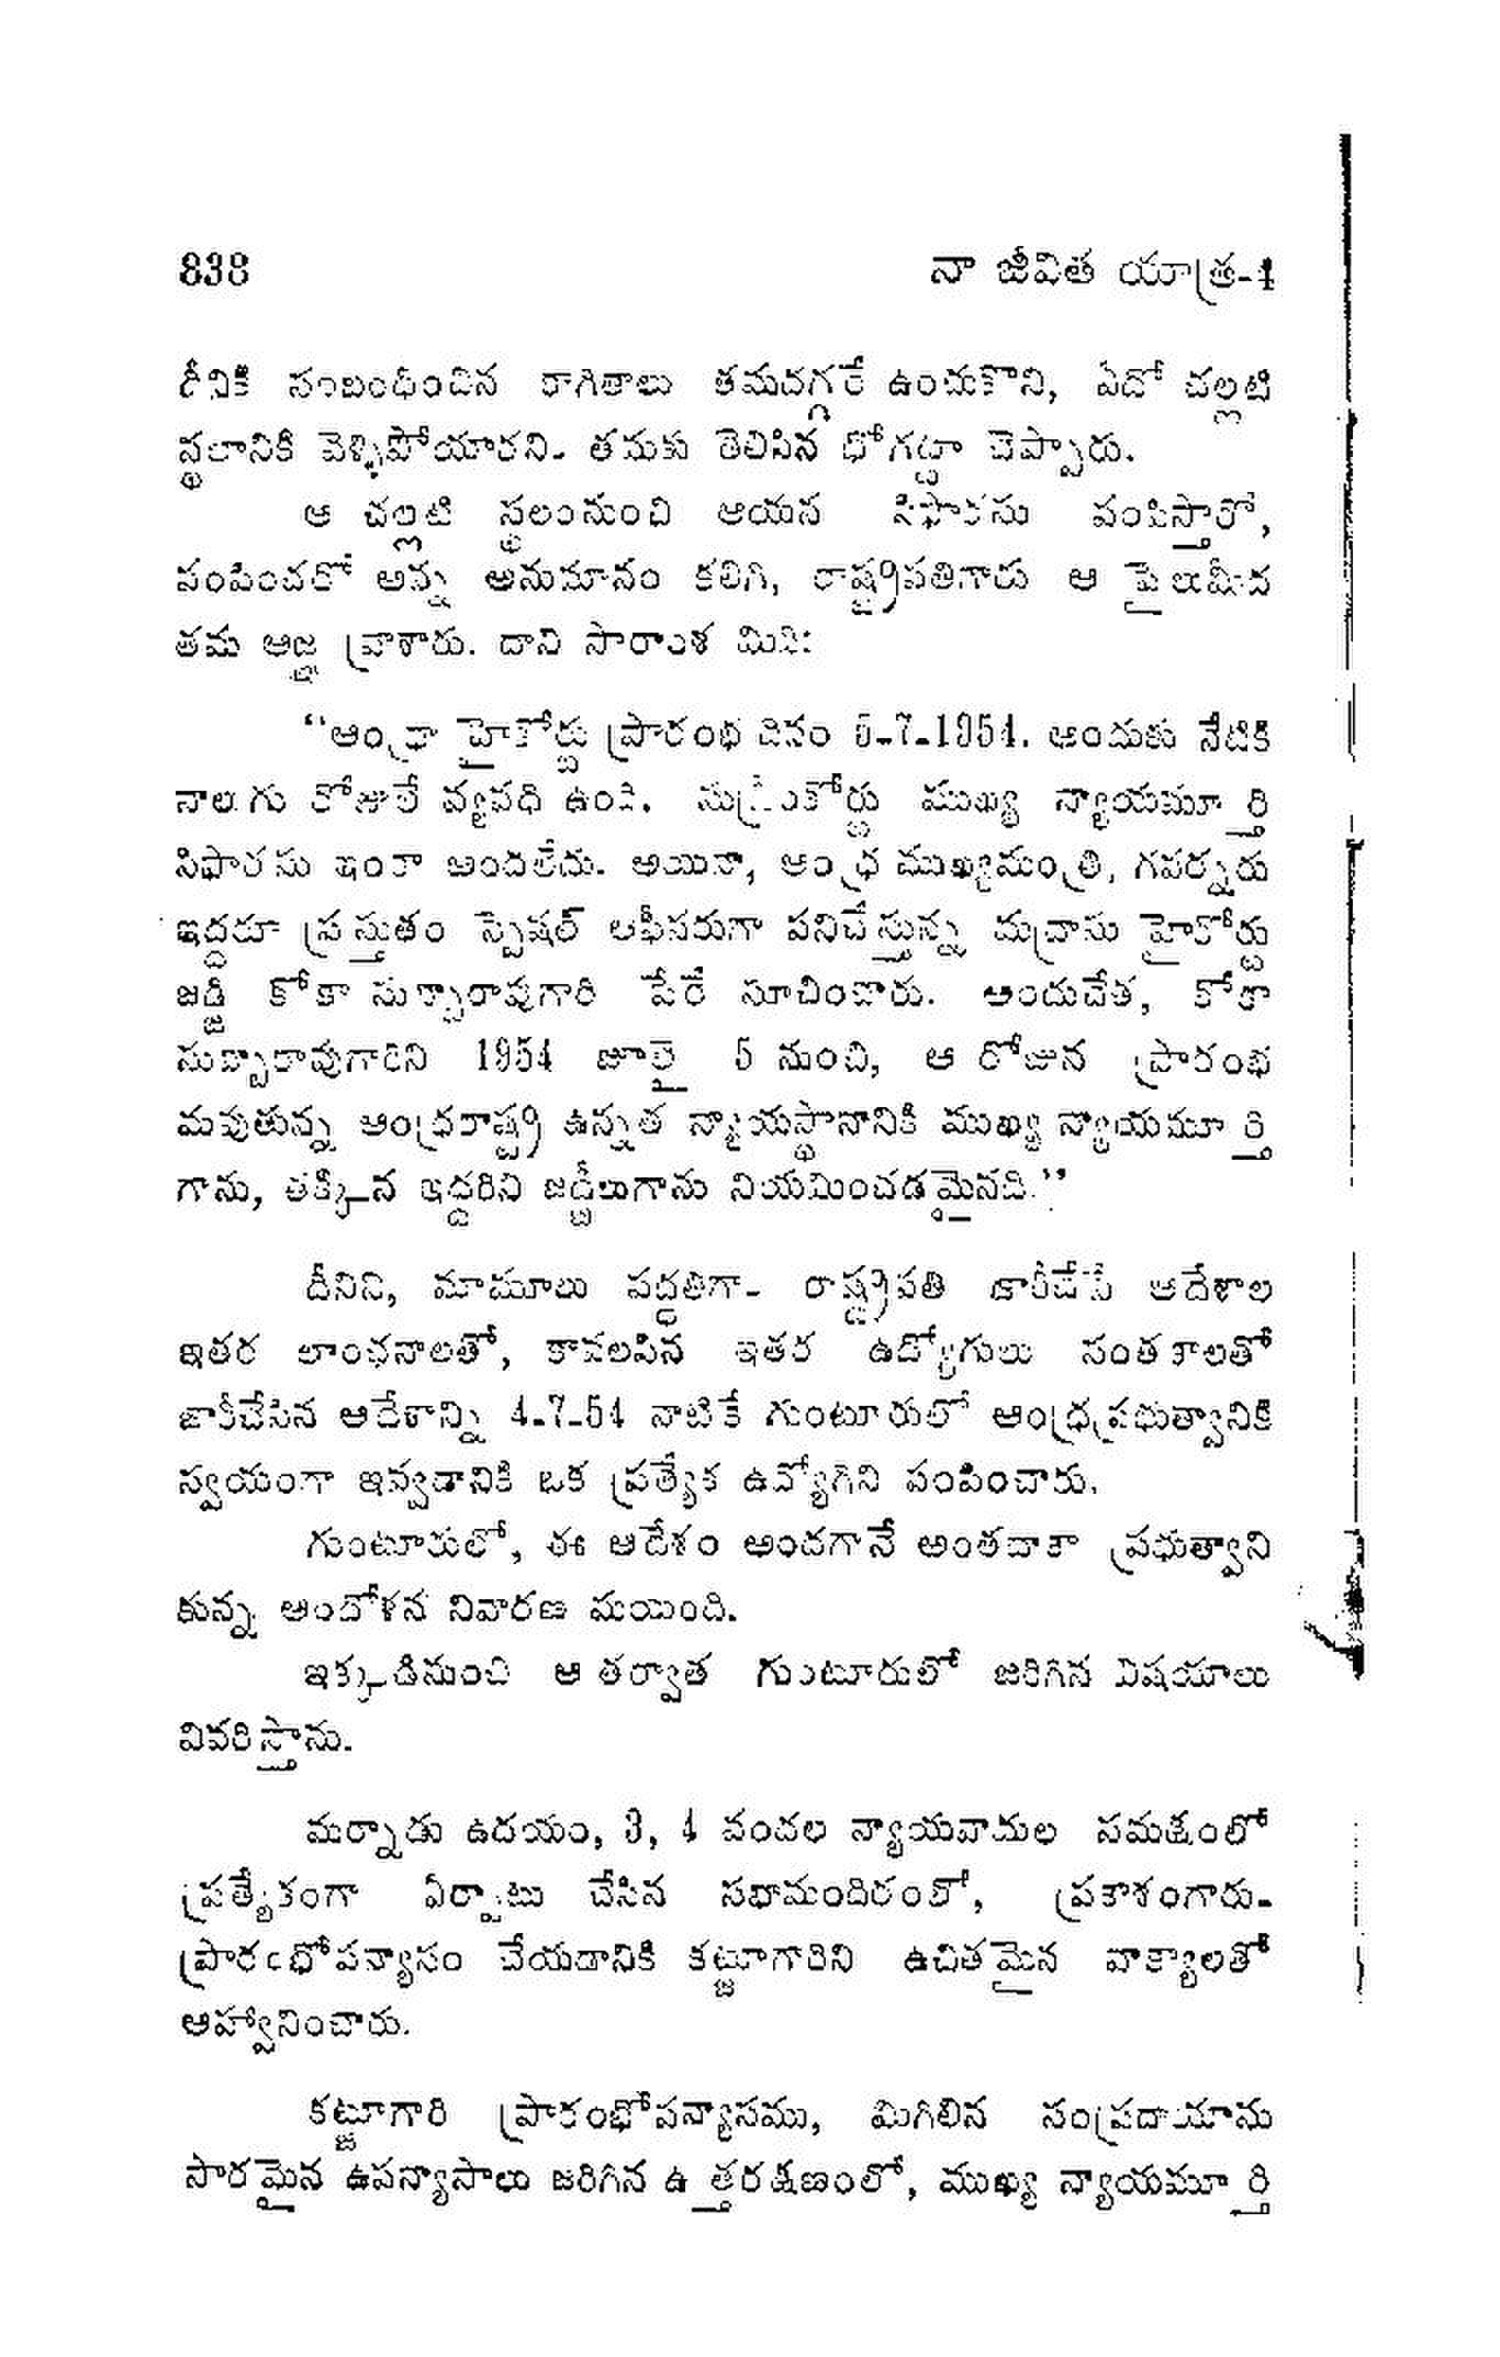దీనికి సంబంధించిన కాగితాలు తమదగ్గరే ఉంచుకొని, ఏదో చల్లటి స్థలానికి వెళ్ళిపోయారని - తమకు తెలిసిన భోగట్టా చెప్పారు.

ఆ చల్లటి స్థలంనుంచి ఆయన సిఫారసు పంపిస్తారో, పంపించరో అన్న అనుమానం కలిగి, రాష్ట్రపతిగారు ఆ ఫైలుమీద తమ ఆజ్ఞ వ్రాశారు. దాని సారాంశ మిది:

ఆంధ్రా హైకోర్టు ప్రారంభ దినం 5-7-1954. అందుకు నేటికి నాలుగు రోజులే వ్యవధి ఉంది. సుప్రీంకోర్టు ముఖ్య న్యాయమూర్తి సిఫారసు ఇంకా అందలేదు. అయినా, ఆంధ్ర ముఖ్యమంత్రి, గవర్నరు ఇద్దరూ ప్రస్తుతం స్పెషల్ ఆఫీసరుగా పనిచేస్తున్న మద్రాసు హైకోర్టు జడ్జి కోకా సుబ్బారావుగారి పేరే సూచించారు. అందుచేత, కోకా సుబ్బారావుగారిని 1954 జూలై 5 నుంచి, ఆ రోజున ప్రారంభమవుతున్న ఆంధ్రరాష్ట్ర ఉన్నత న్యాయస్థానానికి ముఖ్య న్యాయమూర్తిగాను, తక్కిన ఇద్దరిని జడ్జీలుగాను నియమించడమైనది."

దీనిని, మామూలు పద్ధతిగా - రాష్ట్రపతి జారీచేసే ఆదేశాల ఇతర లాంఛనాలతో, కావలసిన ఇతర ఉద్యోగులు సంతకాలతో జారీచేసిన ఆదేశాన్ని 4-7-54 నాటికే గుంటూరులో ఆంధ్రప్రభుత్వానికి స్వయంగా ఇవ్వడానికి ఒక ప్రత్యేక ఉద్యోగిని పంపించారు.

గుంటూరులో, ఈ ఆదేశం అందగానే అంతదాకా ప్రభుత్వానికున్న ఆందోళన నివారణ మయింది.

ఇక్కడినుంచి ఆ తర్వాత గుంటూరులో జరిగిన విషయాలు వివరిస్తాను.

మర్నాడు ఉదయం, 3, 4 వందల న్యాయవాదుల సమక్షంలో ప్రత్యేకంగా ఏర్పాటు చేసిన సభామందిరంలో, ప్రకాశంగారు - ప్రారంభోపన్యాసం చేయడానికి కట్జూగారిని ఉచితమైన వాక్యాలతో ఆహ్వానించారు.

కట్జూగారి ప్రారంభోపన్యాసము, మిగిలిన సంప్రదాయానుసారమైన ఉపన్యాసాలు జరిగిన ఉత్తరక్షణంలో, ముఖ్య న్యాయమూర్తి